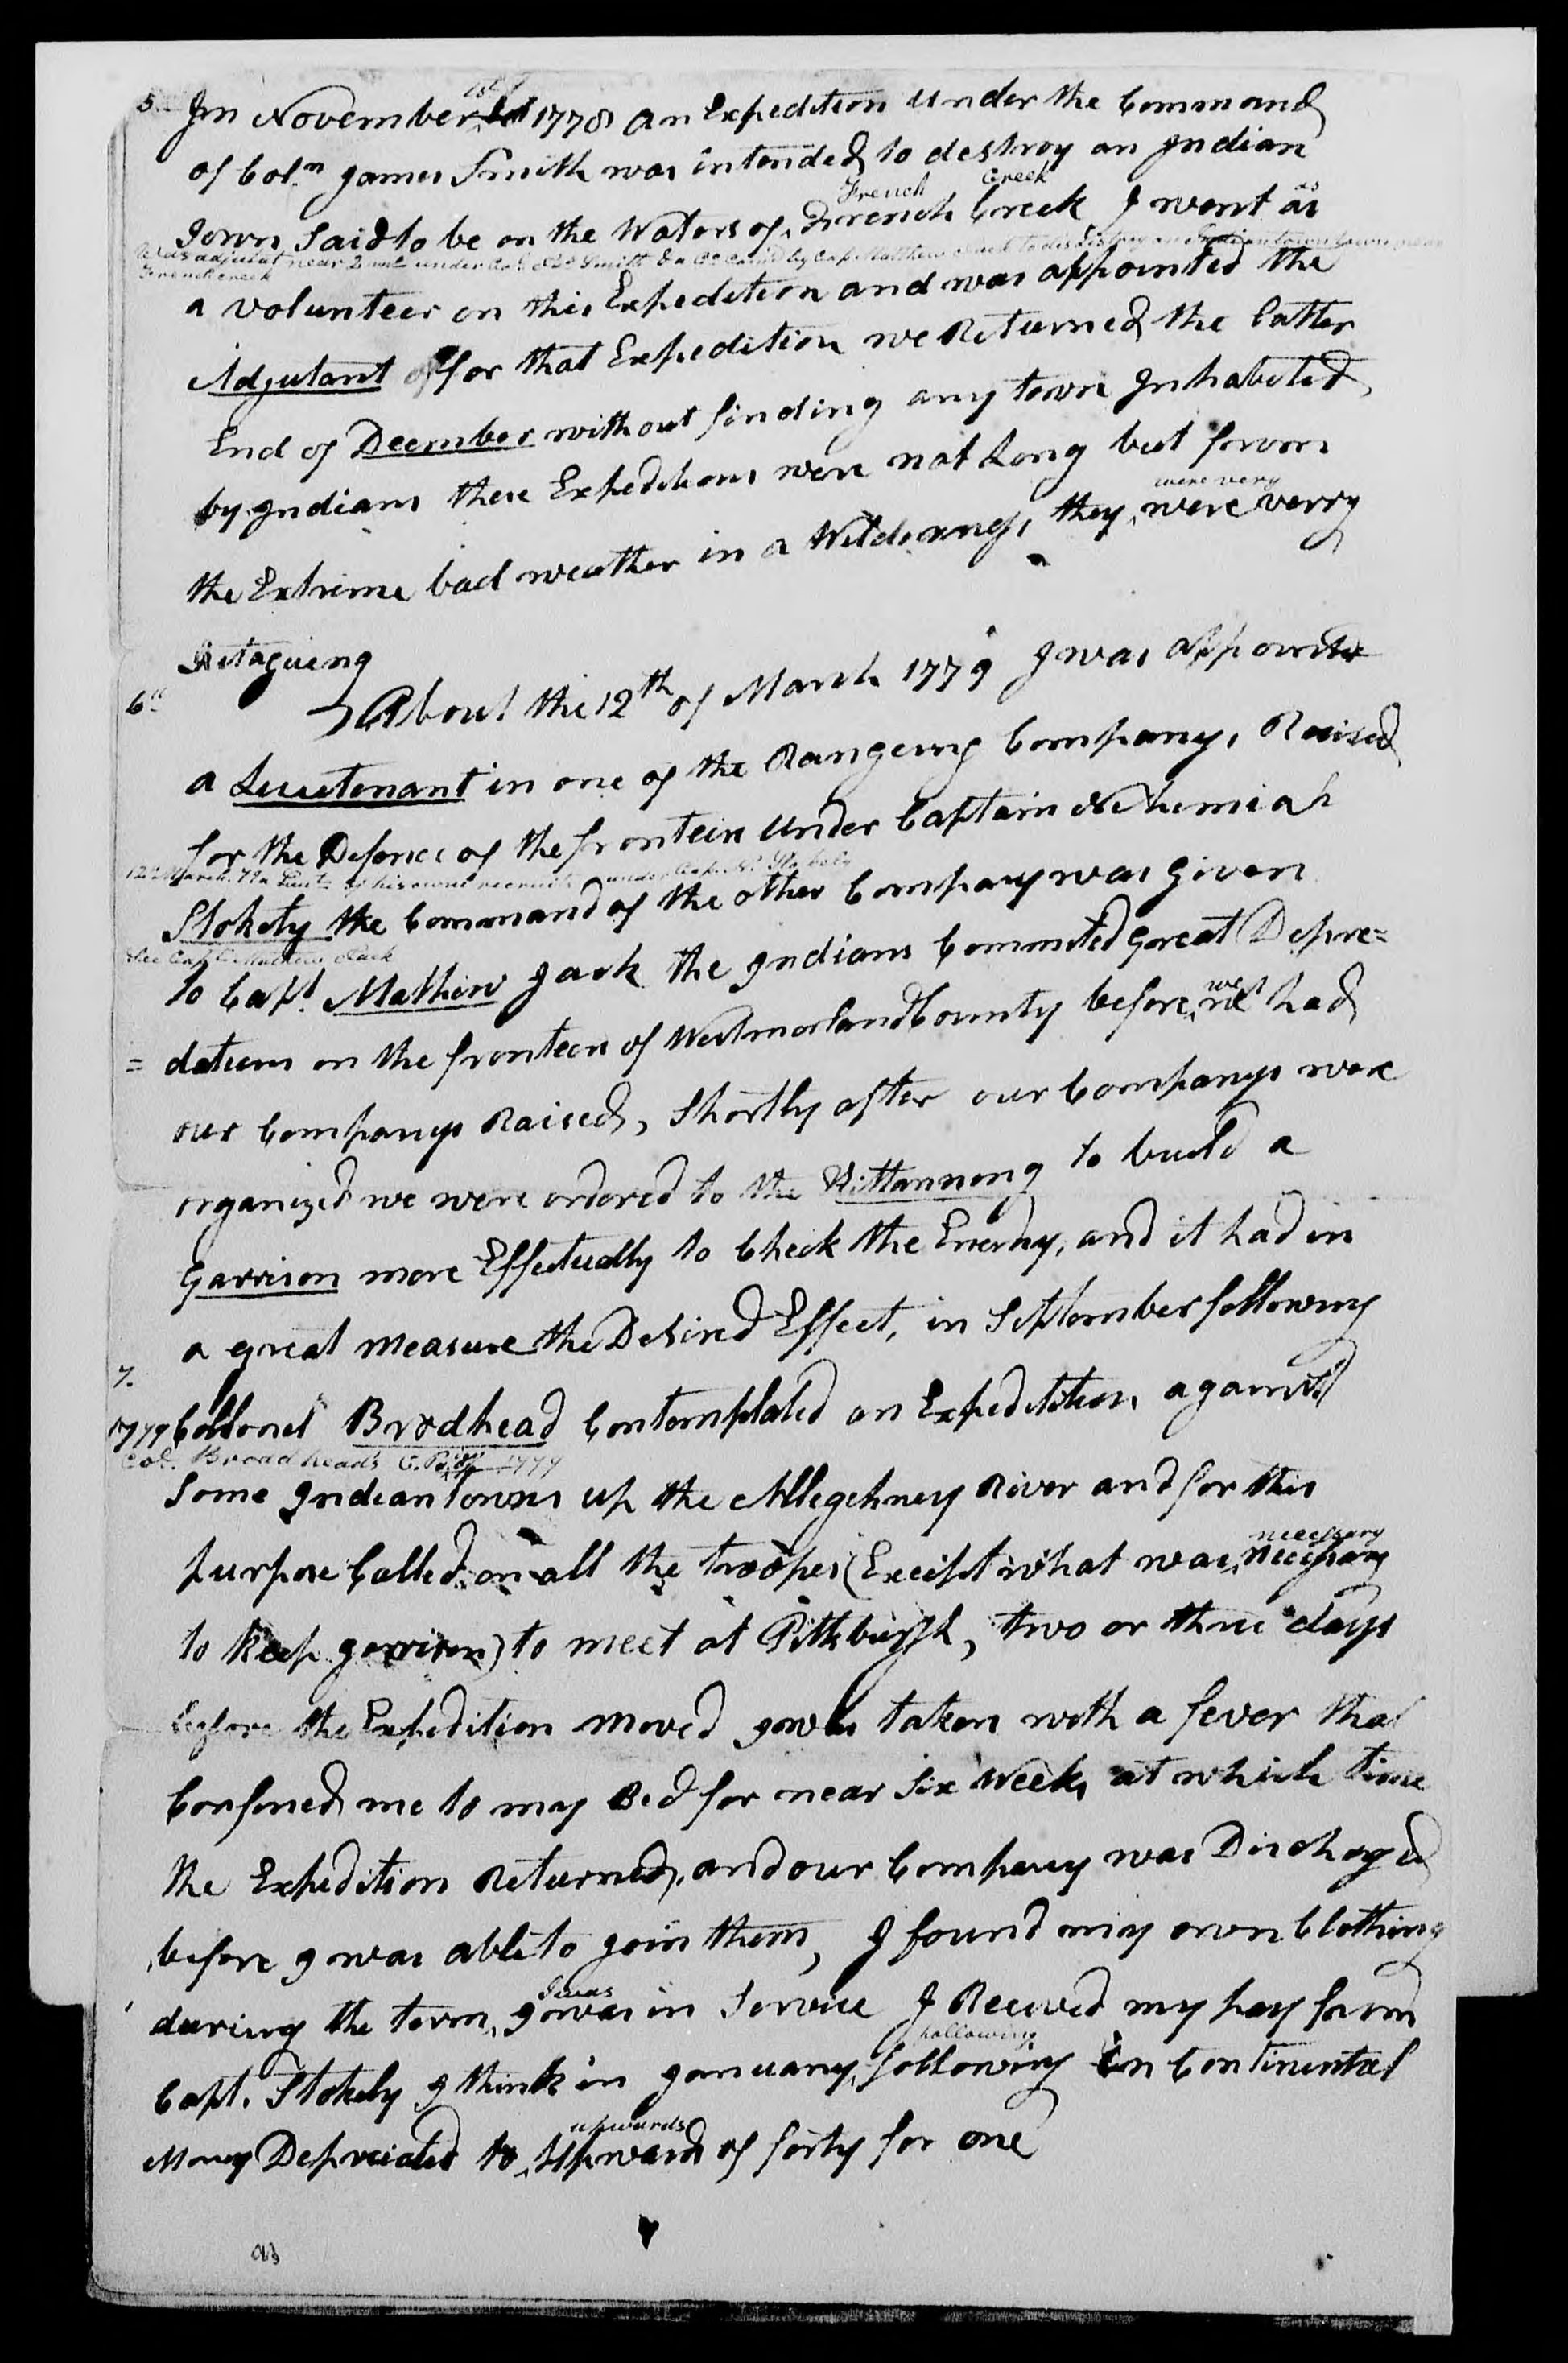5. In November of 1770 an Expedition under the Command of Coln. James Smith was intended to destroy an Indian Town Said to be on the Waters of French Creek I went as

[note between lines]
Was adjutant near 2 mos under Col Jas. Smith & a Co Com'd by Cap Matthew Jack to discharging on Indian town [illegible]

a volunteer on this Expedition and was appointed the Adjutant for that Expedition we Returned the latter End of December without finding any town Inhabited by Indians there Expeditions were not Long but from the Extreme bad weather in a Wilderness, they were very Fatiguing(?)
6. About the 12th of March 1779 I was appointed a Lieutenant in one of the Ranging Company, Raised for the Defence [Defense] of the frontier under Captain Nehemiah

[note between lines]
12 March 79 a Lieut of his own merits(?) under Cap. N. Stokely

Stokely the Command of the other company was given

[note between lines]
See Capt. Mathew Jack

to Capt. Matthew Jack the Indians Commited [committed]great Depredation on the frontier of Westmoreland County before we had our Companys Raised, Shortly after our Companys were organized we were ordered to the Kittanning to build a Garrison more Effectually to check the Enemy, and it had in a great measure the Desired Effect, in September following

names: James Smith, Matthew, Mathew Jack, Stokely, Brodhead, N Stokely, Mathew Jack, N Stokely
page: 9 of 83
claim: widow's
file: W. 5946, John Brandon, Penn